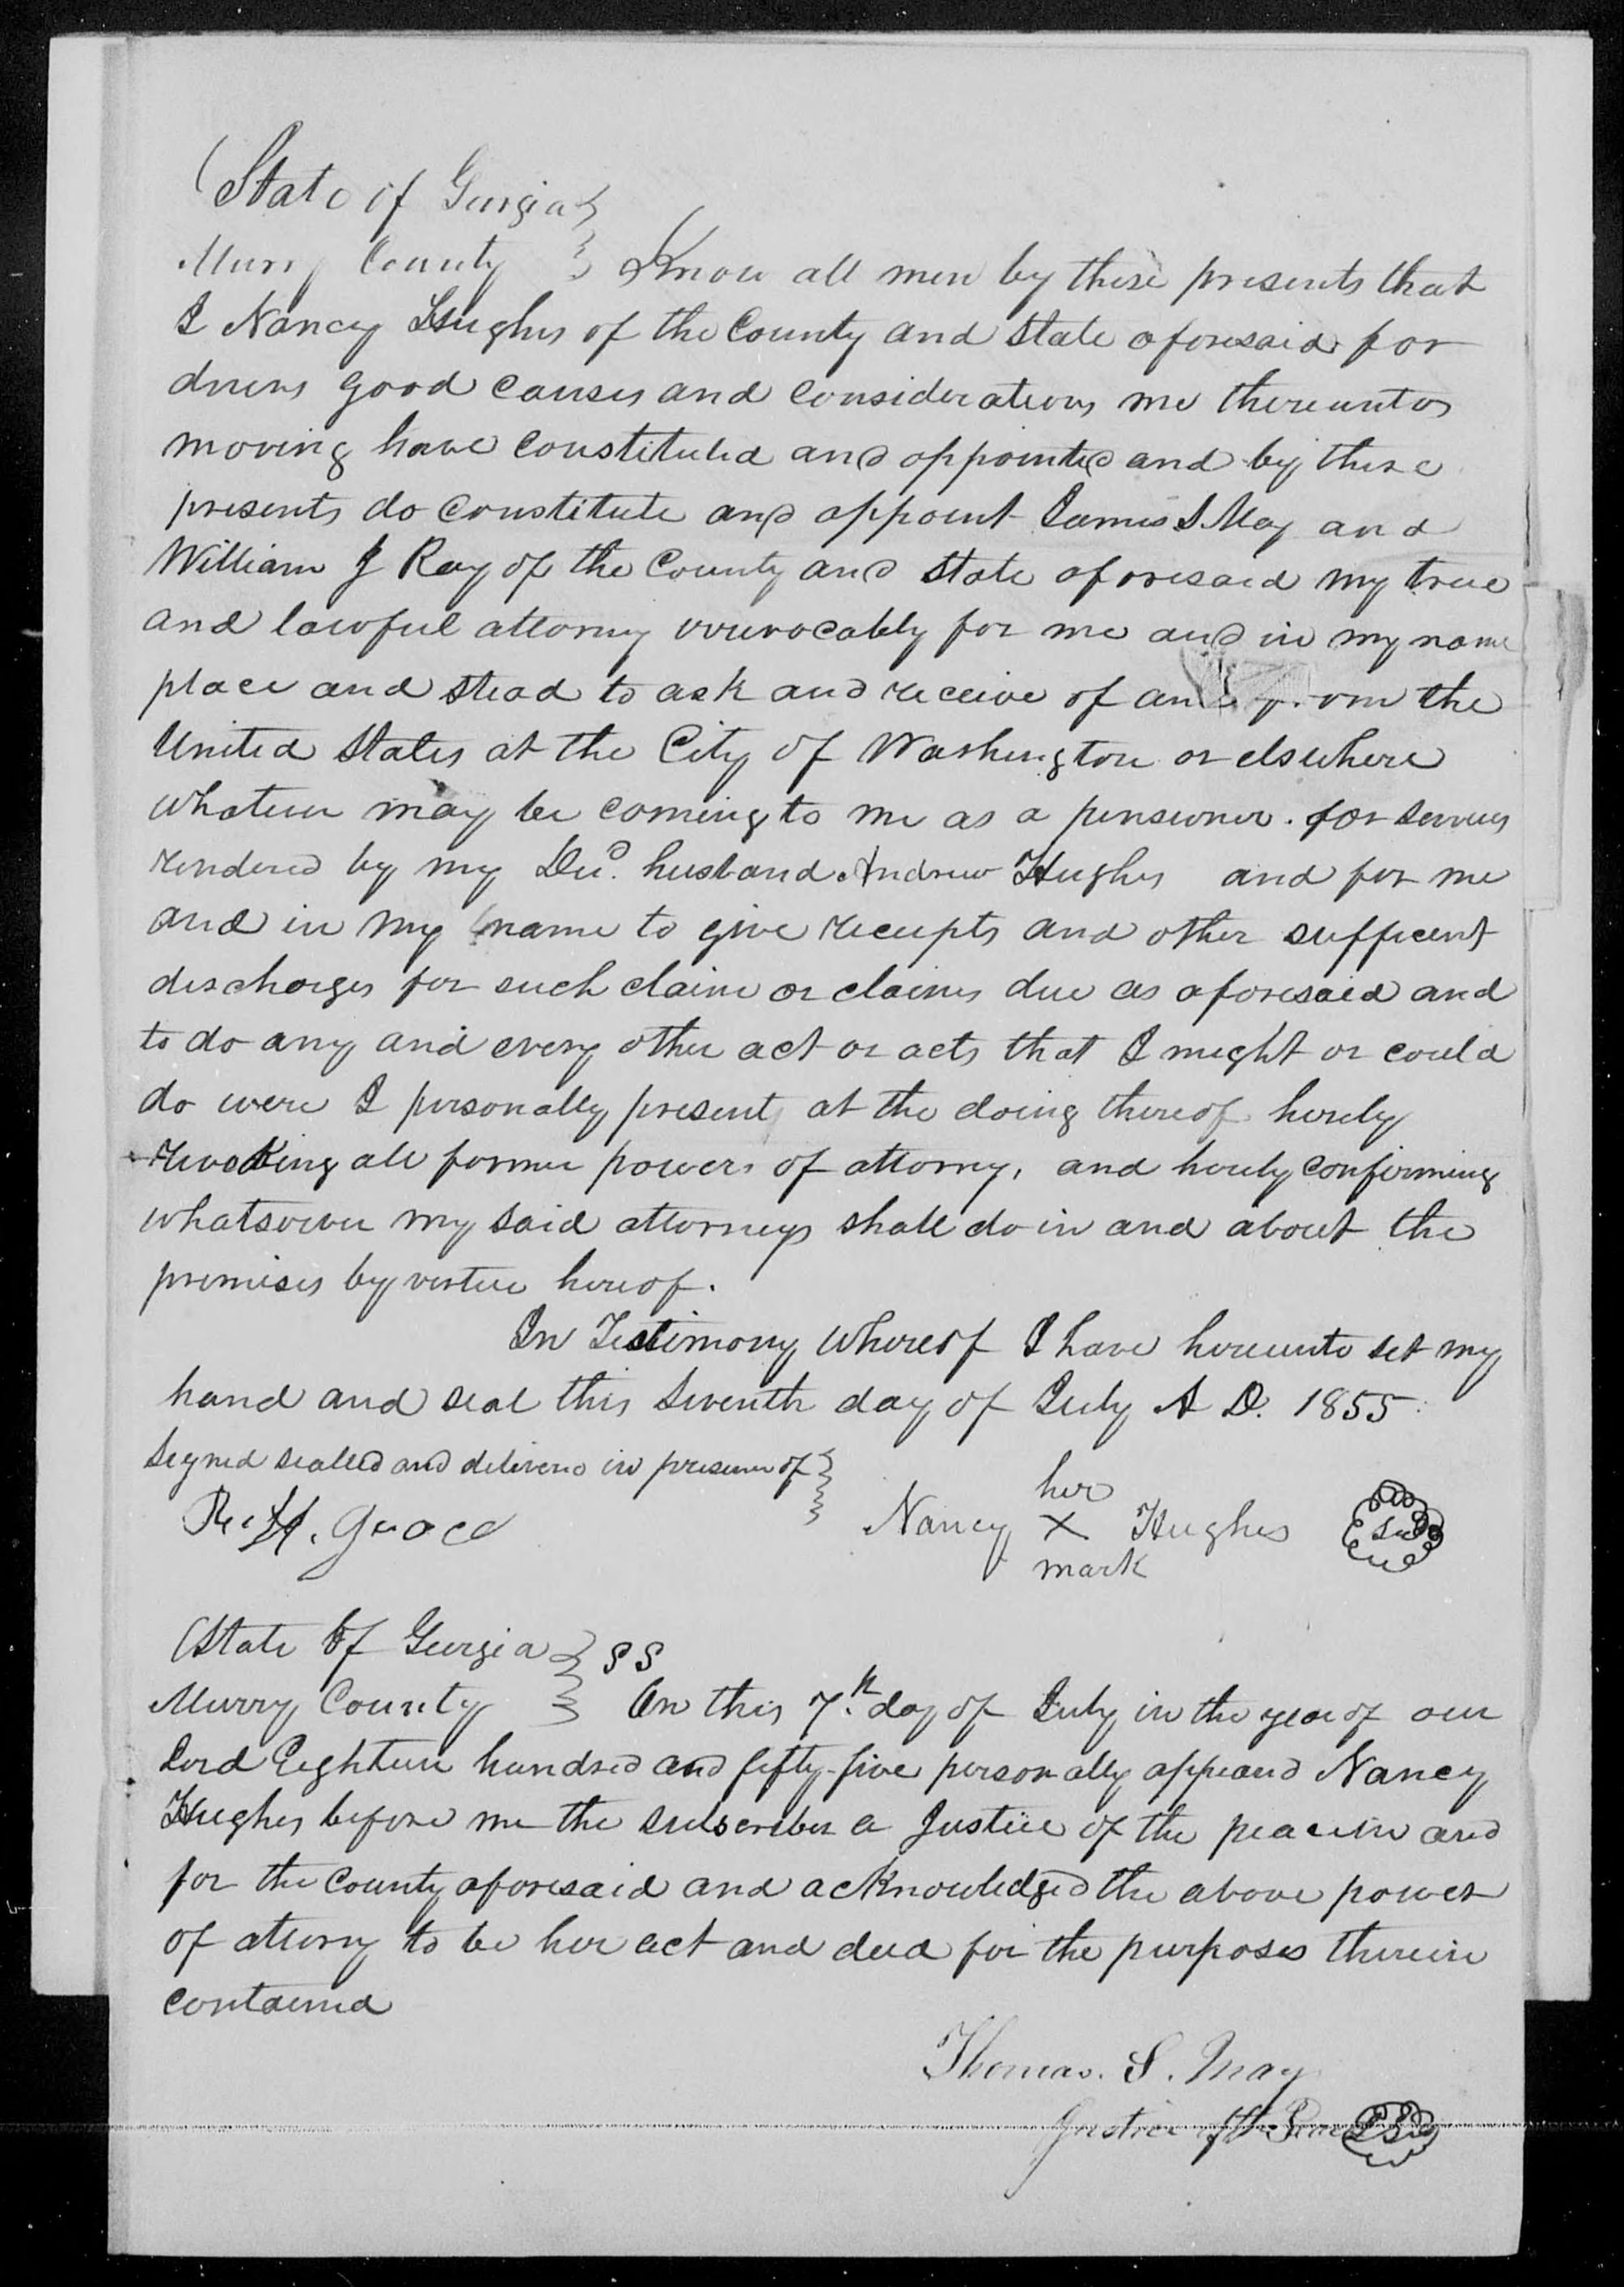State of George
Murray County
Know all men by these presents that I Nancy Hughes of the County and State aforesaid for [Illegible] good causes and considerations me thereunto moving have constituted and appointed and by these presents do constitute and appoint James S. May and  William J. Roy of the County and State aforesaid my true and lawful attorney irrevocably for me and in my name place and stead to ask and receive of and from the United States at the City of Washington or elsewhere whatever may be coming to me as a pensioner for services rendered by my Dec. husband Andrew Hughes and for me and in my name to give receipts and other sufficient discharges for such clam due as aforesaid and to do any and every other act or acts that I might or could do were I personally present at the doing thereof hereby revoking all former powers of attorneys shall do in and about the premises by venture hereof.
In Testimony whereof I have hereunto set my hand and seal this Seventh day of July A.D. 1855
Signed sealed and delivered in presence of
R. H. Grace
State of Georgia SS
Murray County
On this 7th day of July in the year of our Lord Eighteen hundred and fifty-five personally appeared Nancy Hughes before me the subscriber a Justice of the peace in and for the County aforesaid and acknowledge the above power of attorney to be her act and deed for the purposes therein contained. 
Thomas S. May
Justice of the Peace
[hand drawn seal]


Nancy Hughes
X her mark
[hand drawn seal]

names: Andrew Hughes, Nancy Hughes, William J Roy, R H Grace, Thomas S May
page: 15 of 75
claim: widow's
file: W. 25805, Andrew Hughes, N.C.